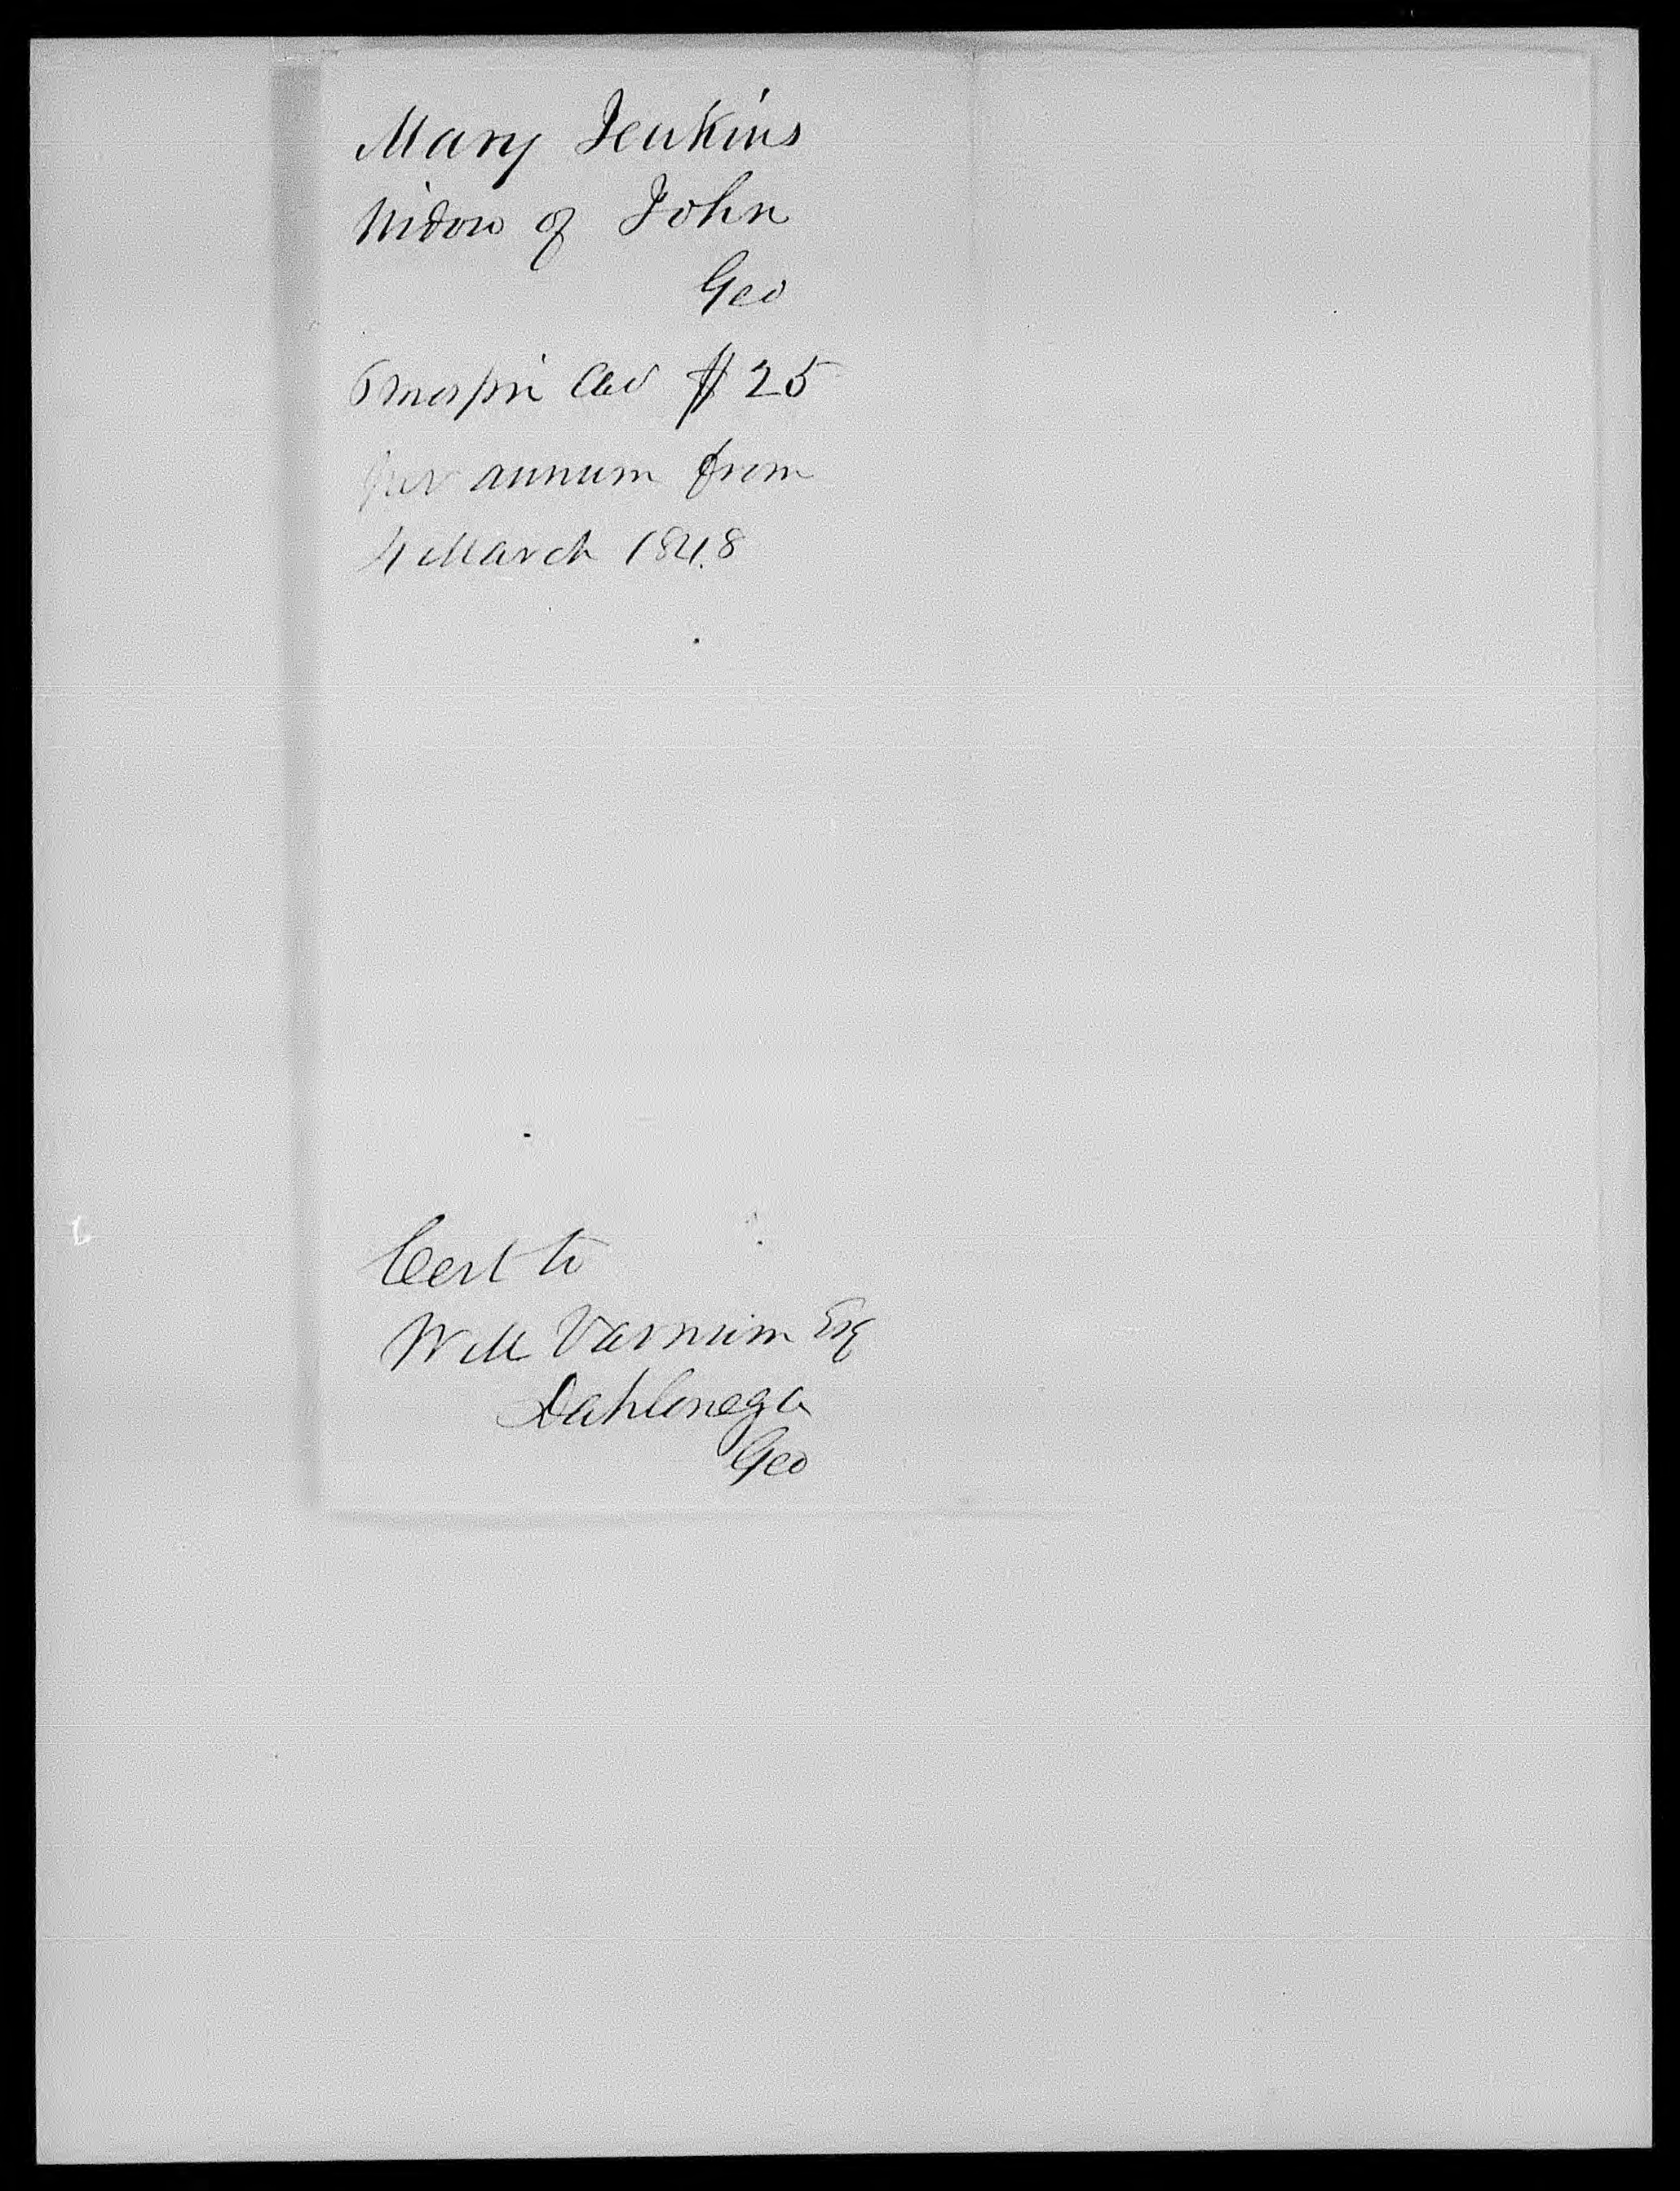Mary Jenkins
Widow of John
Geo
6 mon pri Clv $25
per annum from
4 March 1848
Cert to
Will Varnum Esq
Dahlonega
Geo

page: 35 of 55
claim: widow's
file: W. 7894, for John Jenkins, Virginia